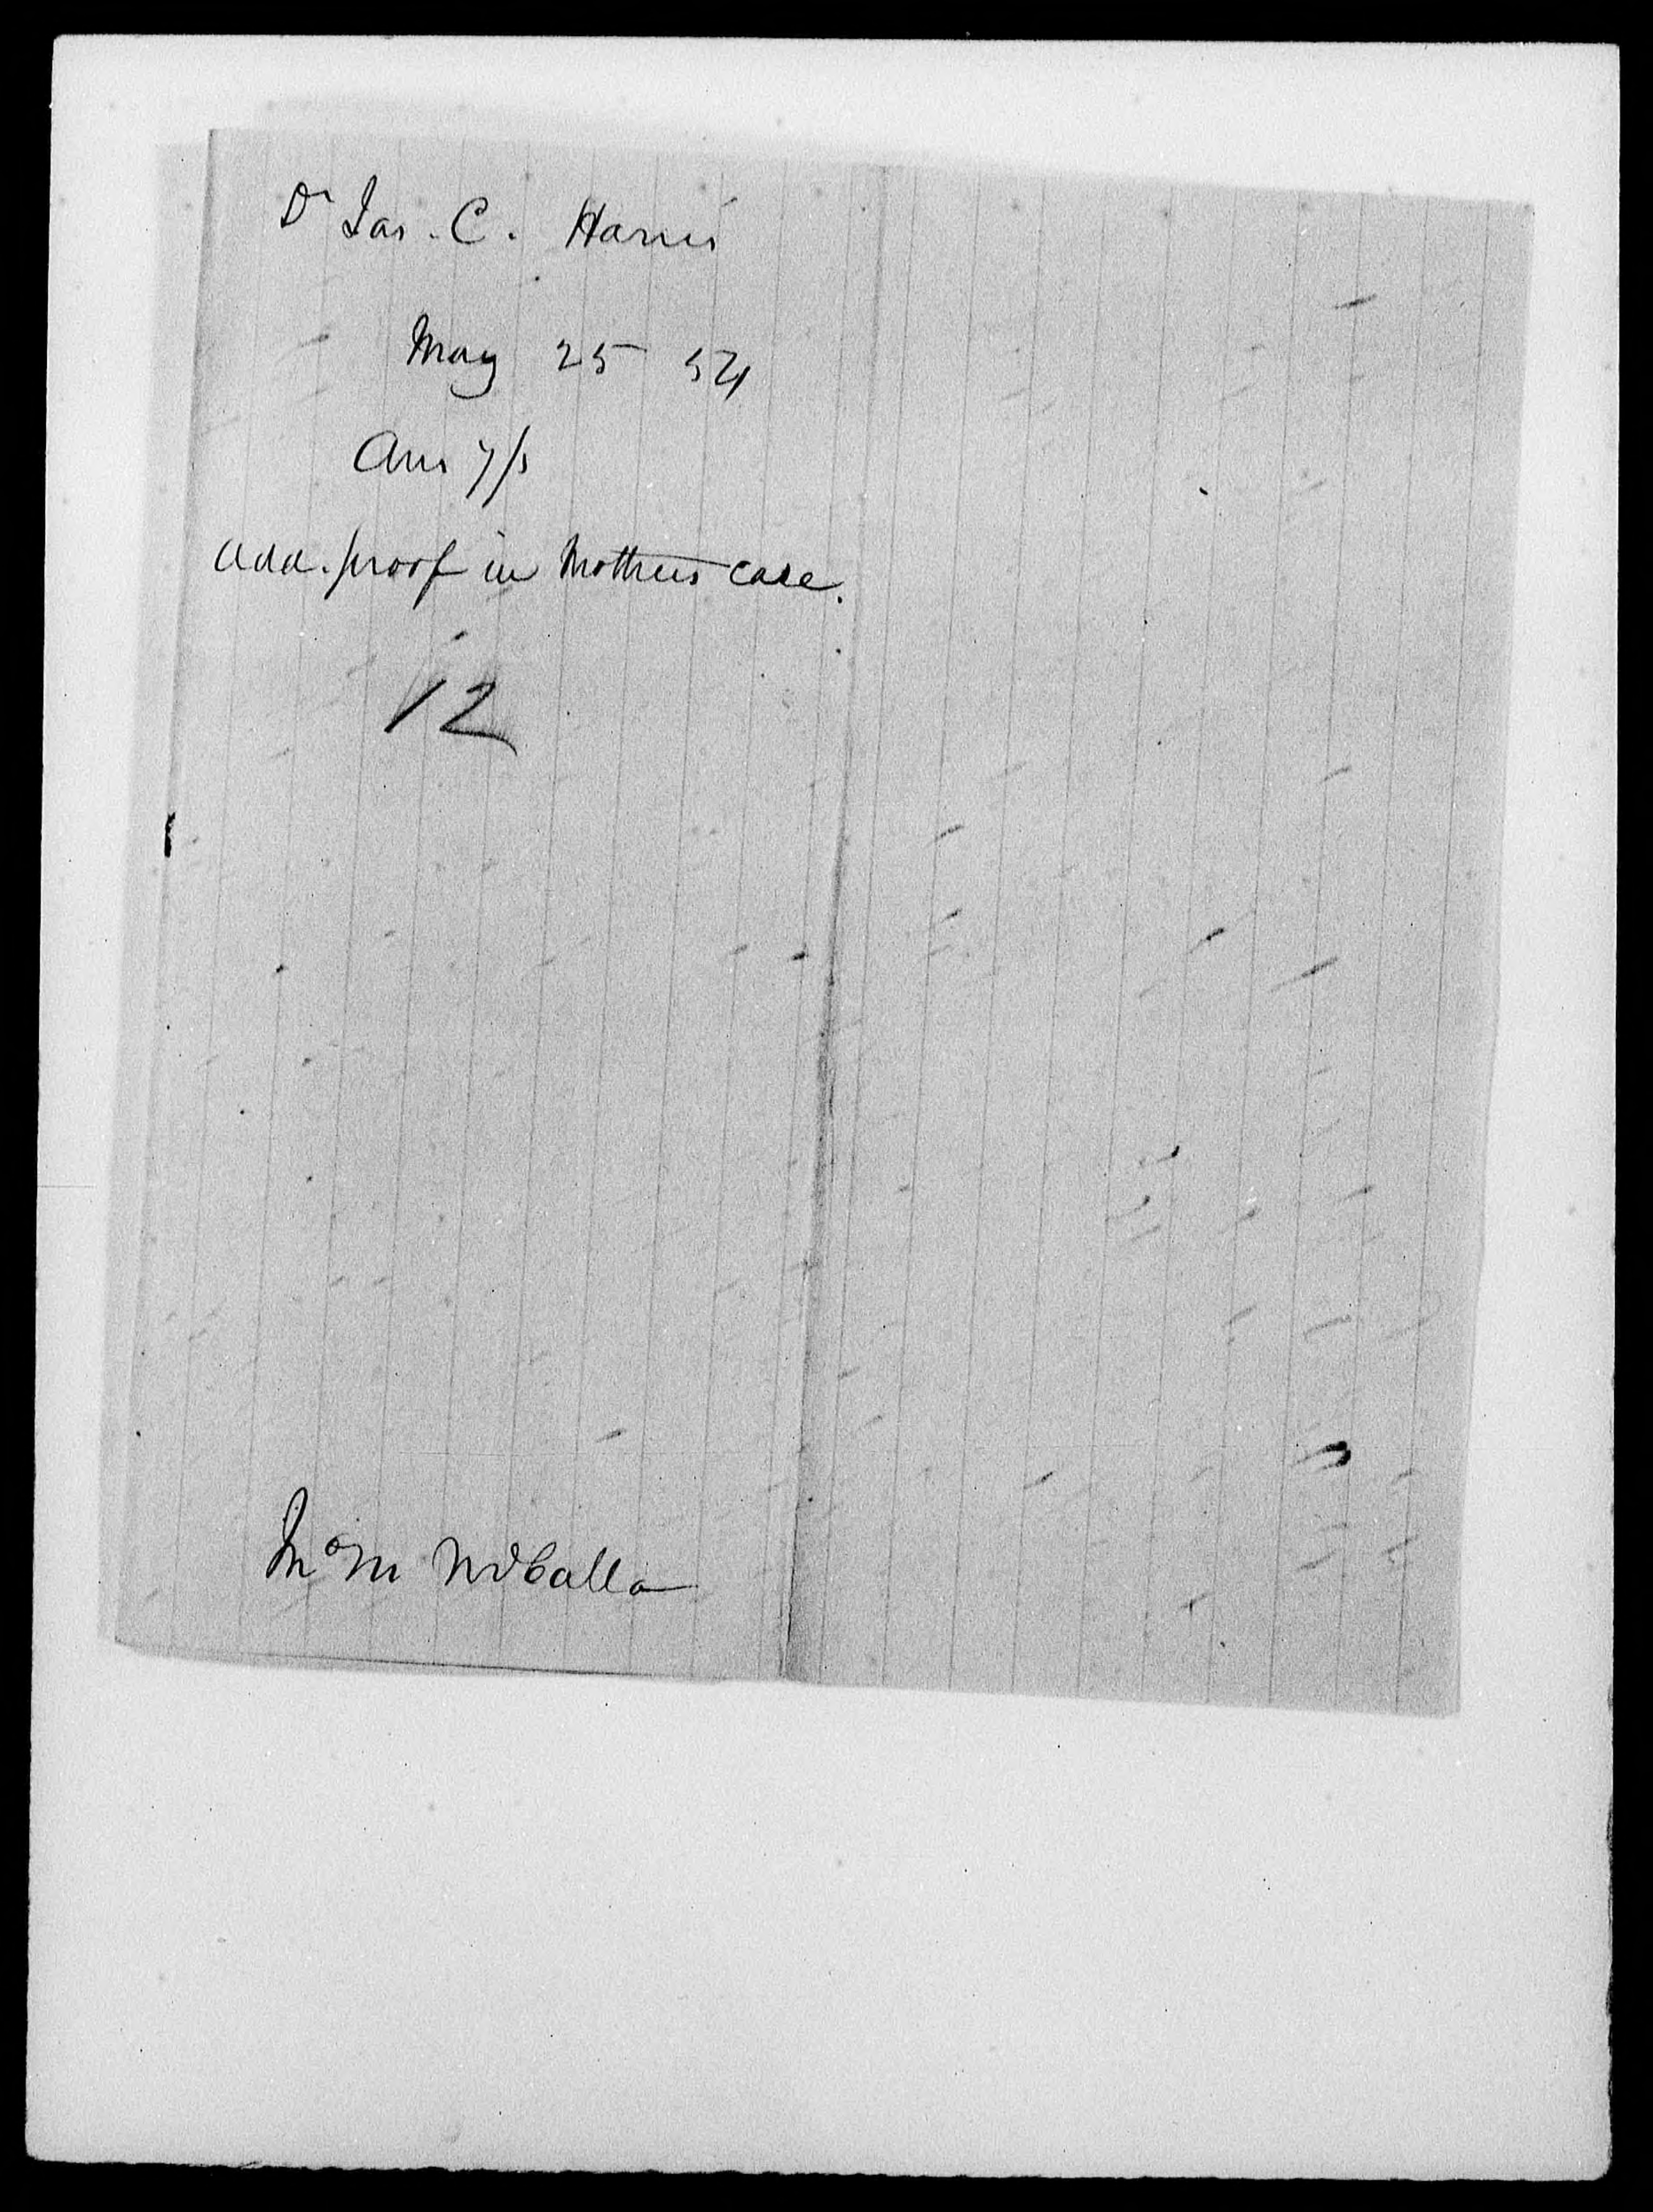[item is vertically-lined paper, folded in half.]

[left half]

Dr. Jas. C. Harris
May 25 54
Ans 7/s
Add. proof in Mothers case
 12

Jno M McCalla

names: Jno M Mc Calla, Jas C Harris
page: 62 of 160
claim: rejected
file: R. 4666, James Harris, Va.